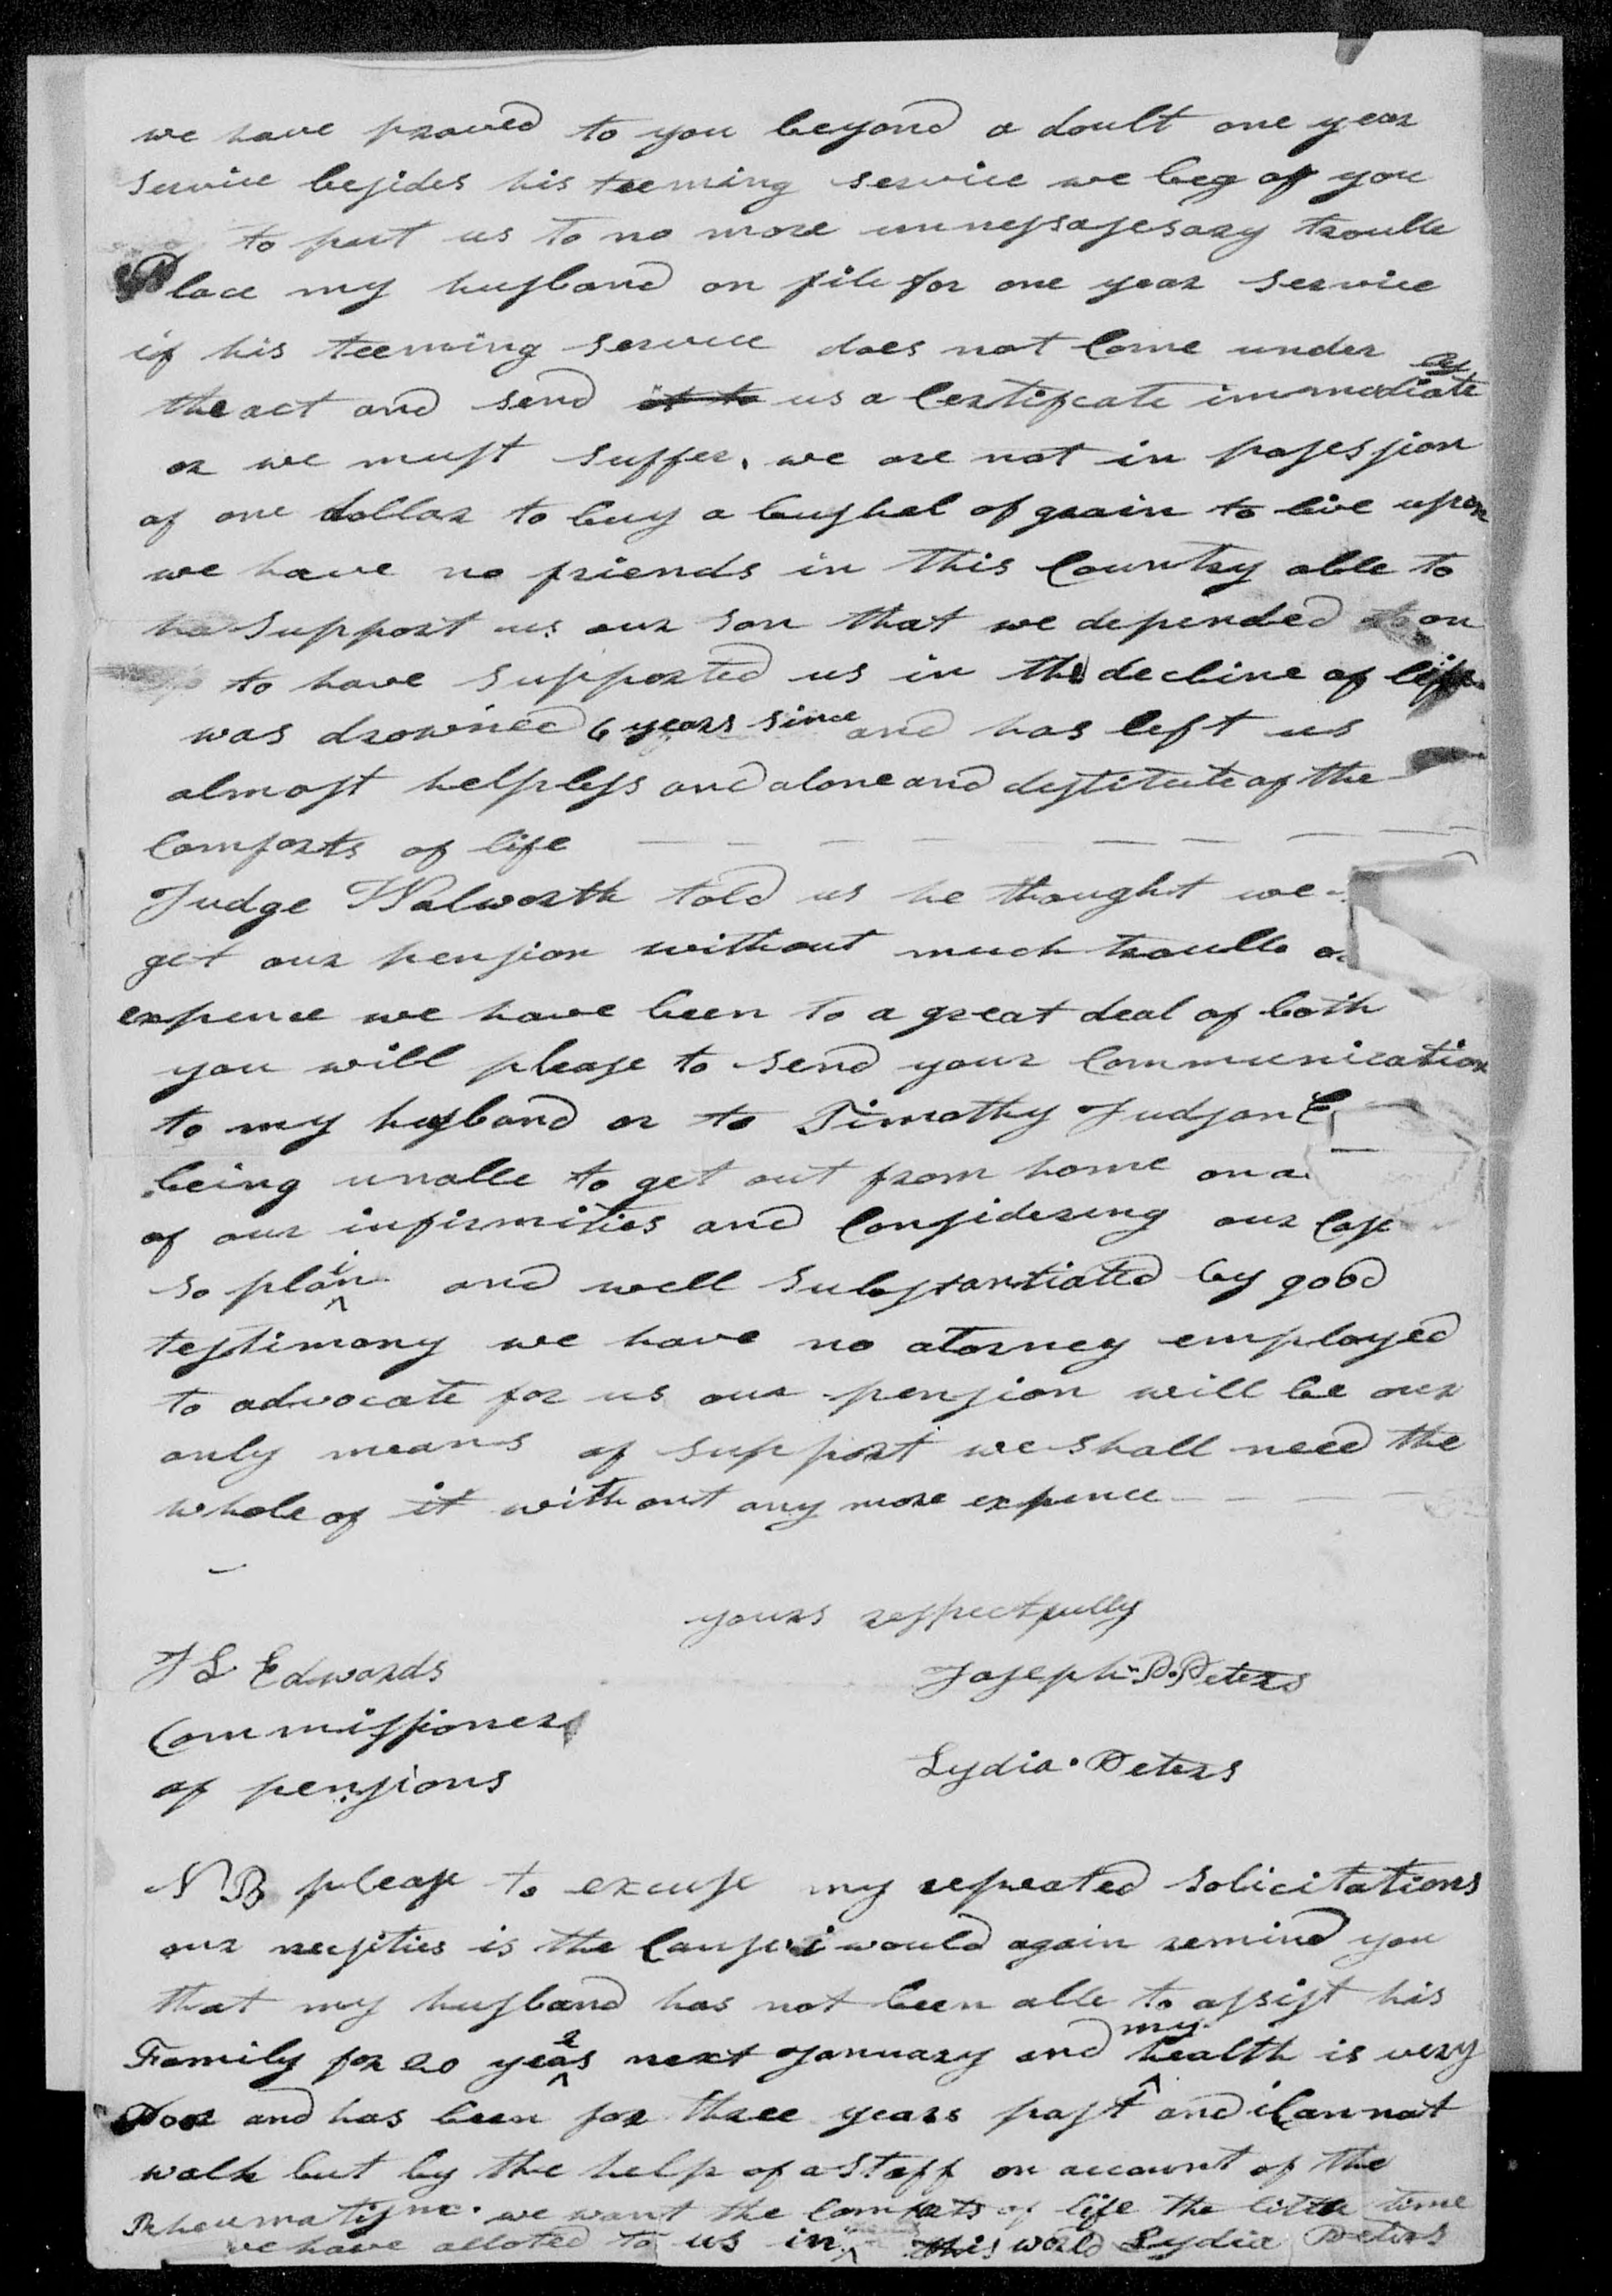we have proved to you beyond a doubt one year Service besides his teaming service, we beg of you to put us to no more unnecessary trouble place my husband on file for one year service, if his teaming service does not come under the act and send us a certificate immediately or we must suffer.  We are not in possession of one dollar to buy a bushel of grain to live upon, we have no friends in this Country able to he support us, our son that we depended on to have supported us in the decline of life was drowned 6 years since and has left us almost helpless and alone and destitute of the Comforts of life. 
Judge Walworth told us he thought we get our pension without much trouble or expence we have been to a great deal of both.  You will please to send your communication to my husband or to Timothy Judson  being unable to get out from home on account of our infirmities and considering our case so plain and well substantiated by good testimony we have no atorney employed to advocate for us our pension will be our only means of support we shall need the whole of it without any more expence.   
Yours respectfully 
Joseph P. Peters 
Lydia Peters
J L Edwards 
Commissioners of Pensions  
N B. please to excuse my repeated solicitations our necessities is the causes would again remind you that my husband has not been able to assist his Family for 2 years next January and my health is very poor and has been for three years past and Cannot walk but by the help of a staff on account of the Rheumatism. we want the comforts of life the little time we have alloted to us in this world Lydia Peters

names: J L Edwards; [BLANK] Walworth; Timothy Judson; Joseph P Peters; Lydia Peters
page: 21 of 73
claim: widow's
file: W. 2338, for Joseph P Peters, Connecticut